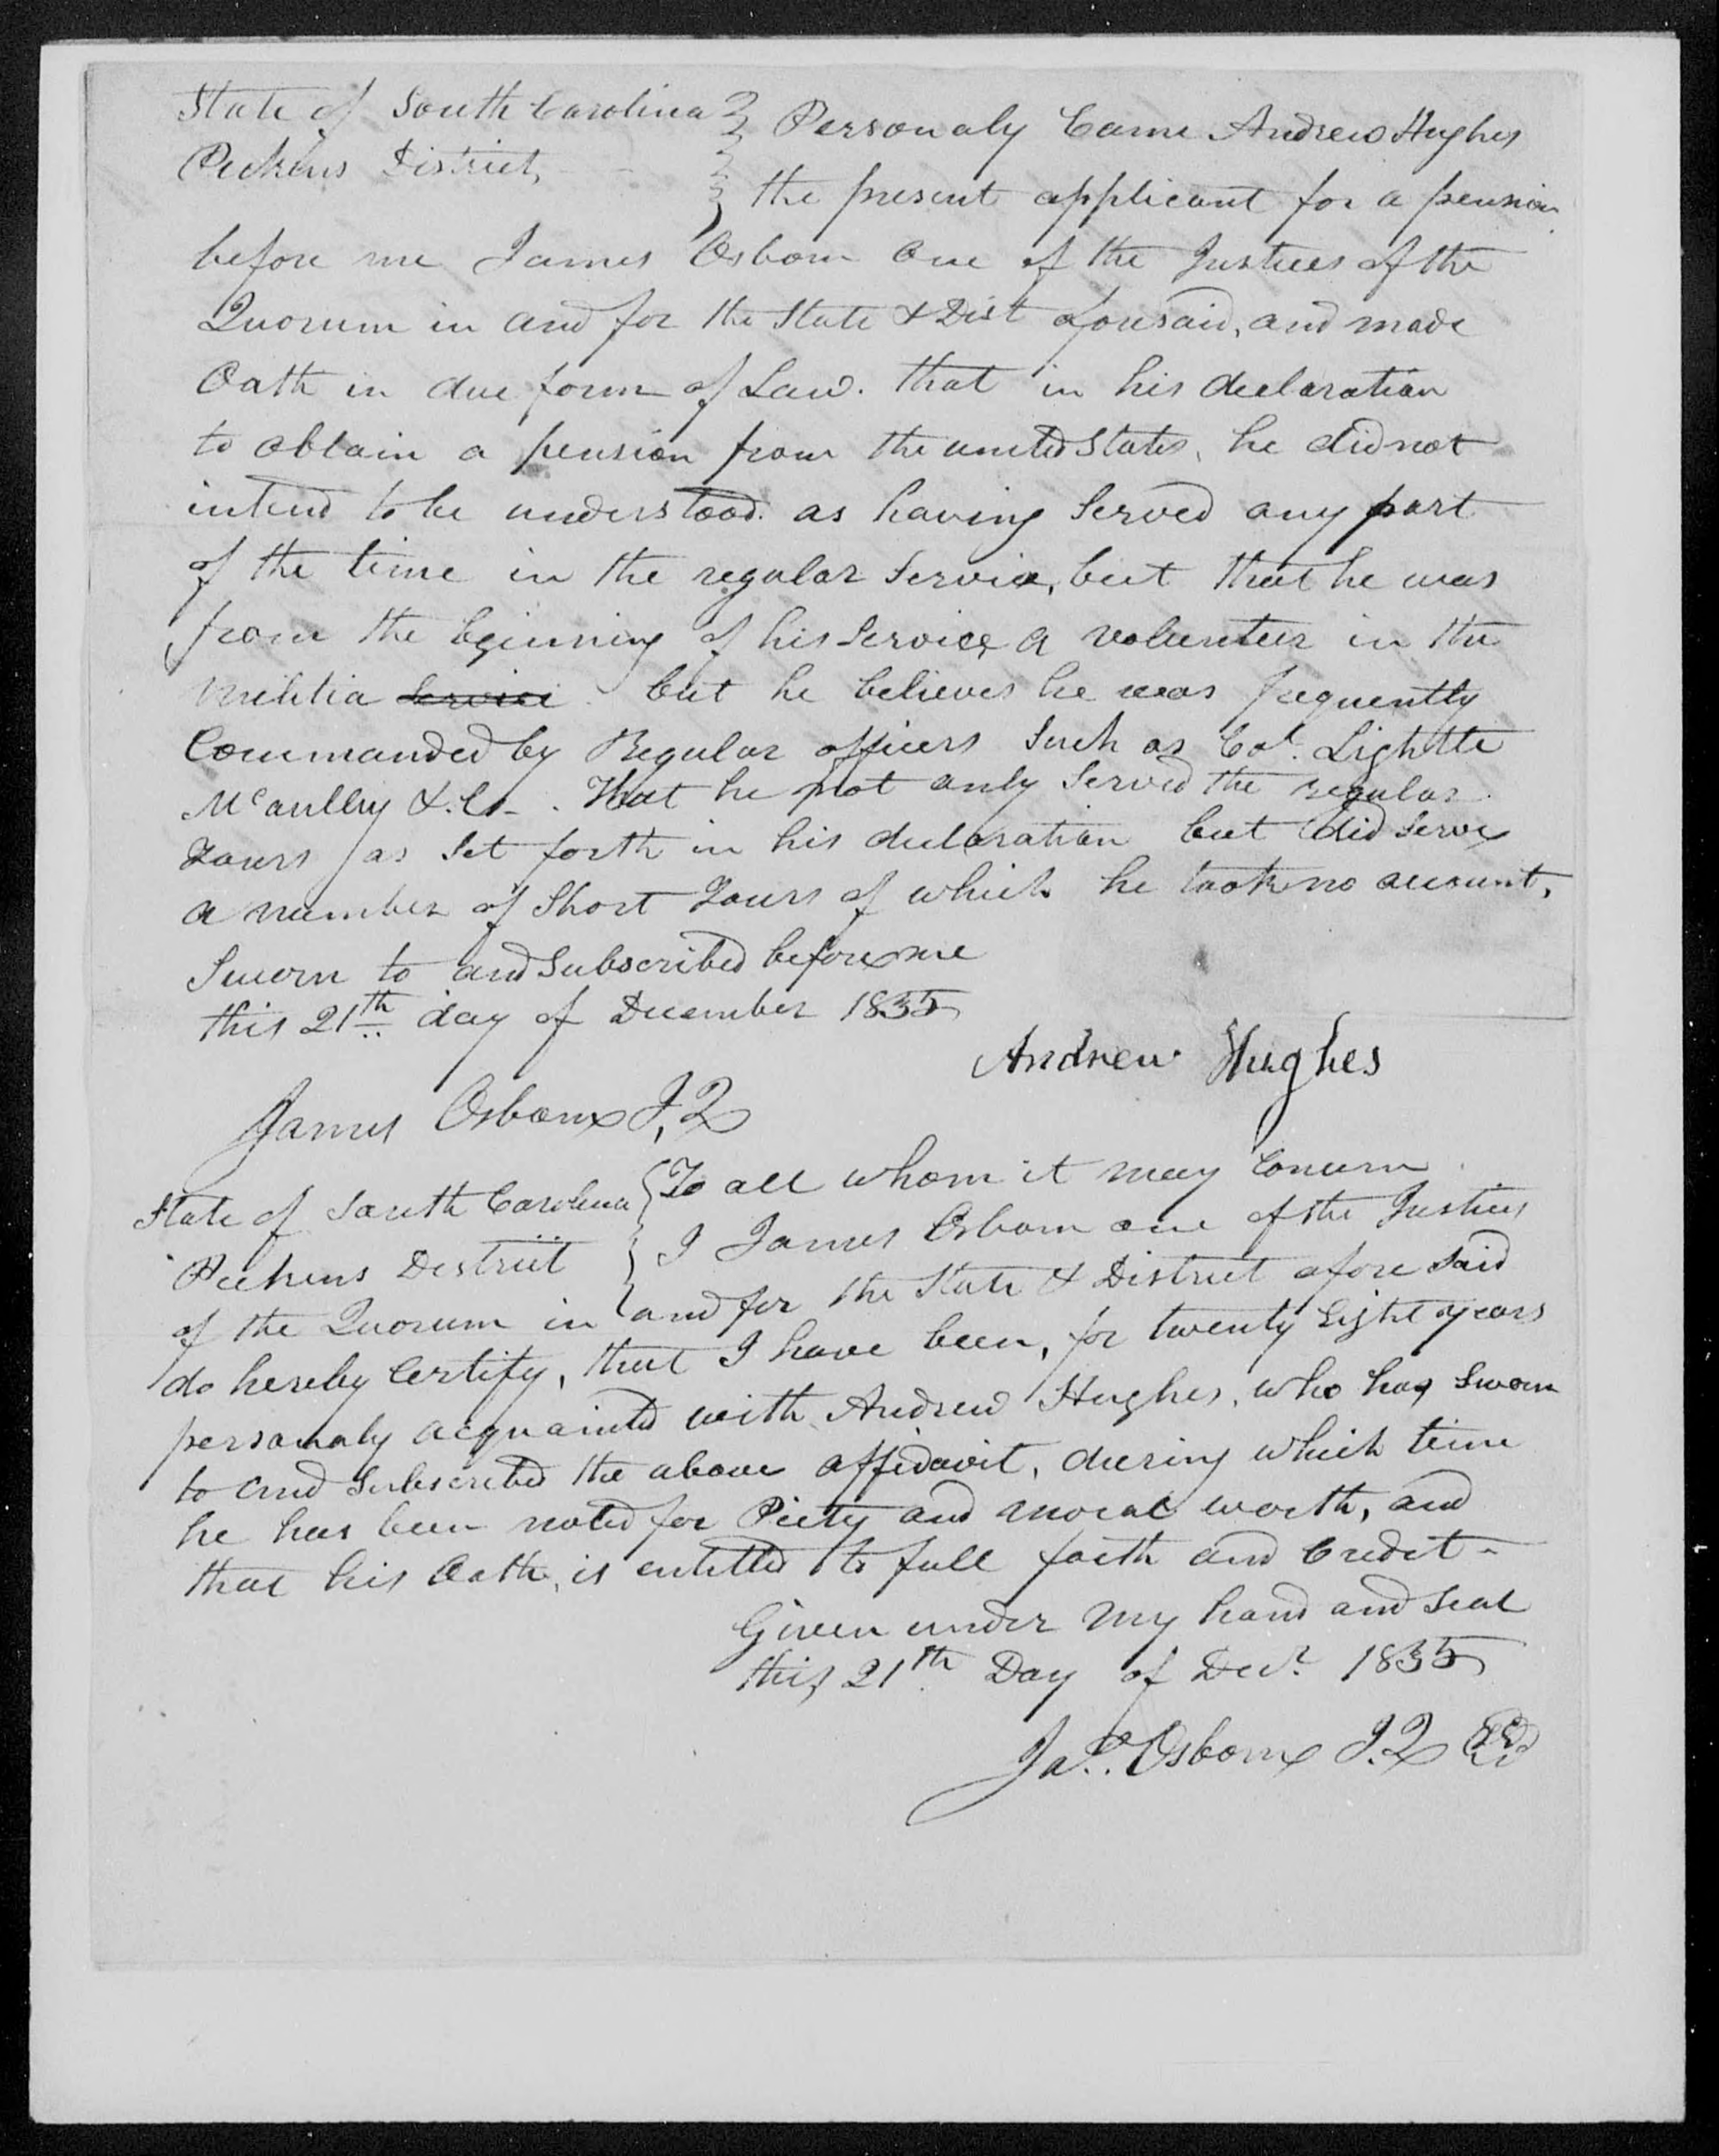State of South Carolina 
Pickens District
Personaly [Personally] Came Andrew Hughes
the present applicant for a pension
before me James Osborn one of the Justices of the
Quorum in and for the State & Dist [District] aforesaid and made Oath in due form of Law that in his declaration to obtain a pension from the united States he did not intend to be understood as having Served any part of time in the regular Service but that he was from the beginning of his Service a volunteer in the Militia [crossed out word: Service] but he believes he was frequently Commanded by Regular officers such as Col. Lightle Mcaulluy & That he not only Served the regular tours as set forth in his declaration but did Serve a number of Short Tours of which he took no account.
Sworn to and Subscribed before me
this 21th day of December 1855
Andrew Hughes
James Osborn J,Q

State of South Carolina
Pickens District
To all whom it may concern
I James Osborn one of the Justices of the Quorum in and for the State & District aforesaid do hereby Certify, that I have been, for twenty Eight years personaly [personally] acquainted with Andrew Hughes who has Sworn to and Subscribed the above affidavit, during which time he has been noted for Piety and moral worth, and that his Oath is enitled to full faith and Credit-
Given under my hand and Seal
this 21th Day of Dec 1855
Jas Osborn J.Q [illegible]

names: Andrew Hughes, Lightte Mc Aulley, James Osborn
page: 67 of 75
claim: widow's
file: W. 25805, Andrew Hughes, N.C.